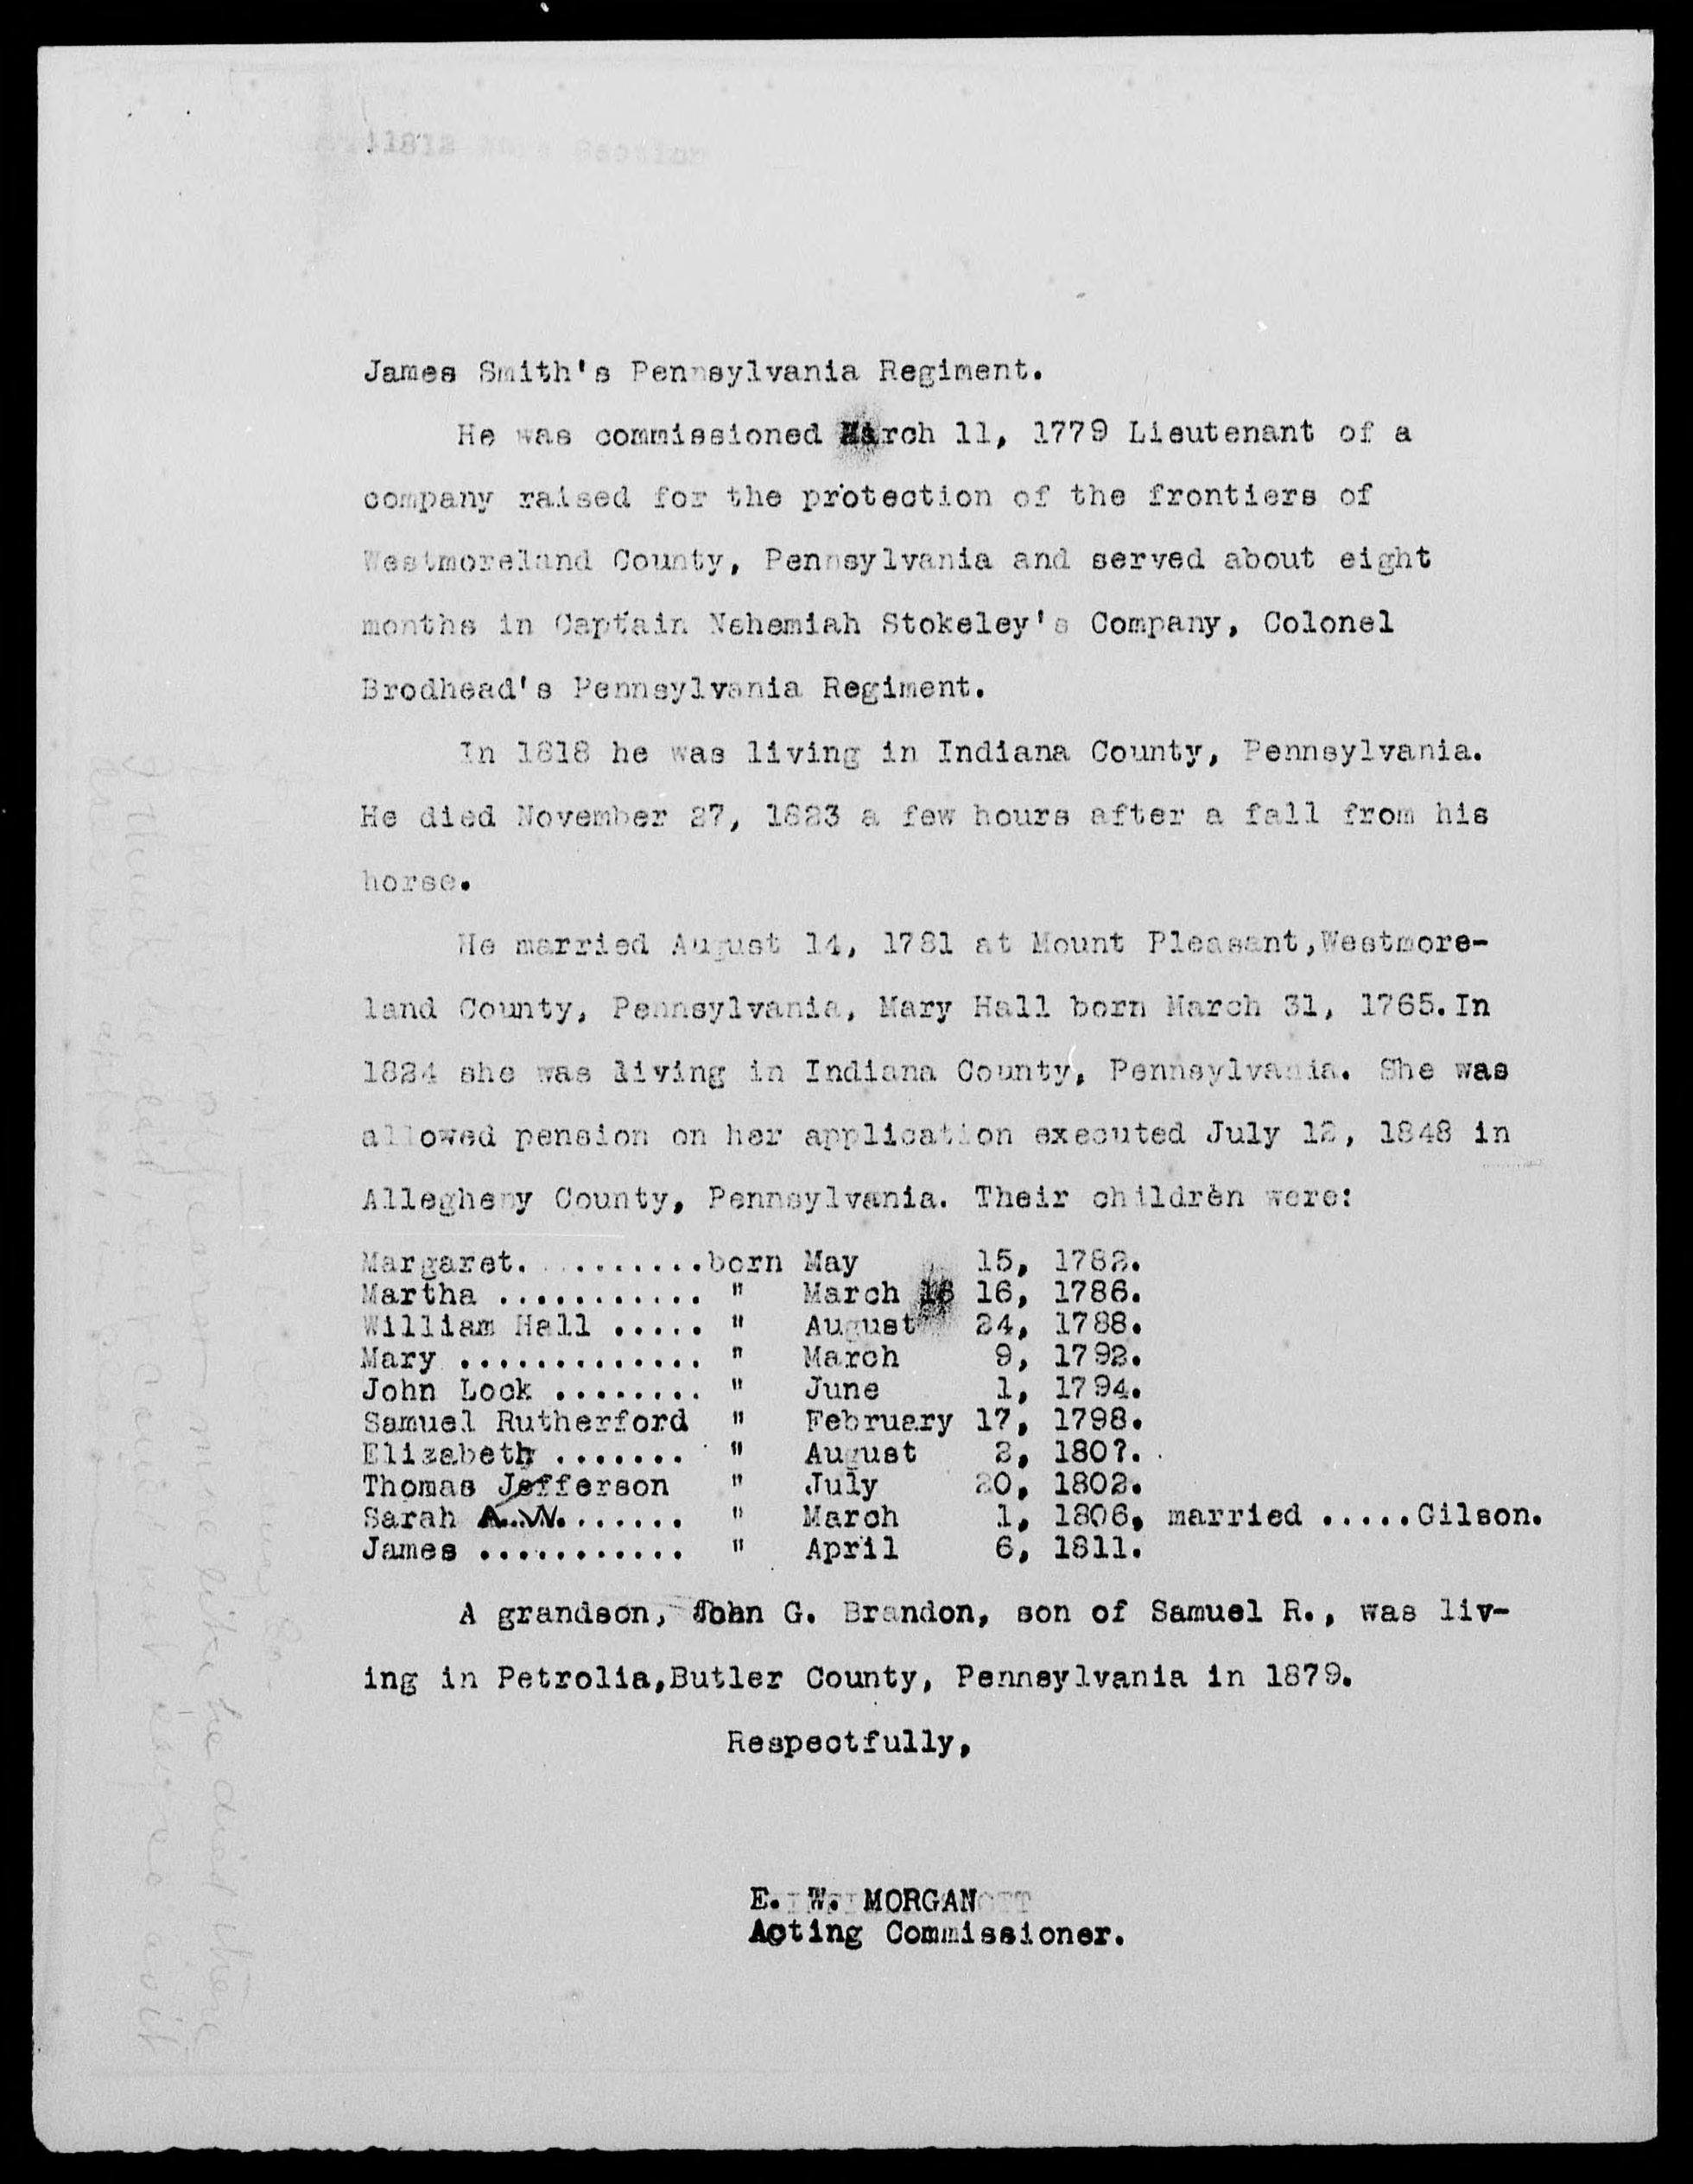[pg 2 of 2]

1812 Wars Section

James Smith's Pennsylvania Regiment.
He was commissioned March 11, 1779 Lieutenant of a company raised for the protection of the frontiers of Westmoreland County, Pennsylvania and served about eight months in Captain Nehemia Stokeley's Company, Colonel Grodhead's Pennsylvania Regiment.
In 1818 he was living in Indiana County, Pennsylvania. He died November 27, 1823 a few hours after a fall from his horse.
He married August 14, 1781 at Mount Pleasant, Westmoreland County, Pennsylvania, Mary Hall born March 31, 1765. In 1824 she was living in Indiana County, Pennsylvania. She was allowed pension on her application executed July 12, 1848 in Allegheny County, Pennsylvania. Their children were:
Margaret..................born May 15, 1782.
Martha......................." March 16, 1786.
William Hall.............."  August 24, 1788.
Mary........................... " March 9, 1792.
John Look................. " June 1, 1794.
Samuel Rutherford " February 17, 1798.
Elizabeth.................... " August 2, 1807.
Thomas Jefferson... " July 20, 1802.
Sarah A. W................. " March 1, 1806, married ..... Gilson.
James............................ " April 6, 1811.
A grandson, John G. Brandon, son of Samuel R., was living in Petrolia, Butler County, Pennsylvania in 1879.
Respectfully,

E. W. MORGAN
Acting Commissioner.

[handwriting, left margin]
Kittanning(?) [illegible] Indiana Co
It makes it appear more like he died there
I think he did, but could not say so as it
does not appear in claim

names: Brodhead, John G Brandon, Samuel Rutherford, Martha, Sarah A W, Mary, Mary Hall, William Hall, Thomas Jefferson, Elizabeth, E W Morgan, John Lock, Samuel R, Margaret, James, James Smith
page: 82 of 83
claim: widow's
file: W. 5946, John Brandon, Penn